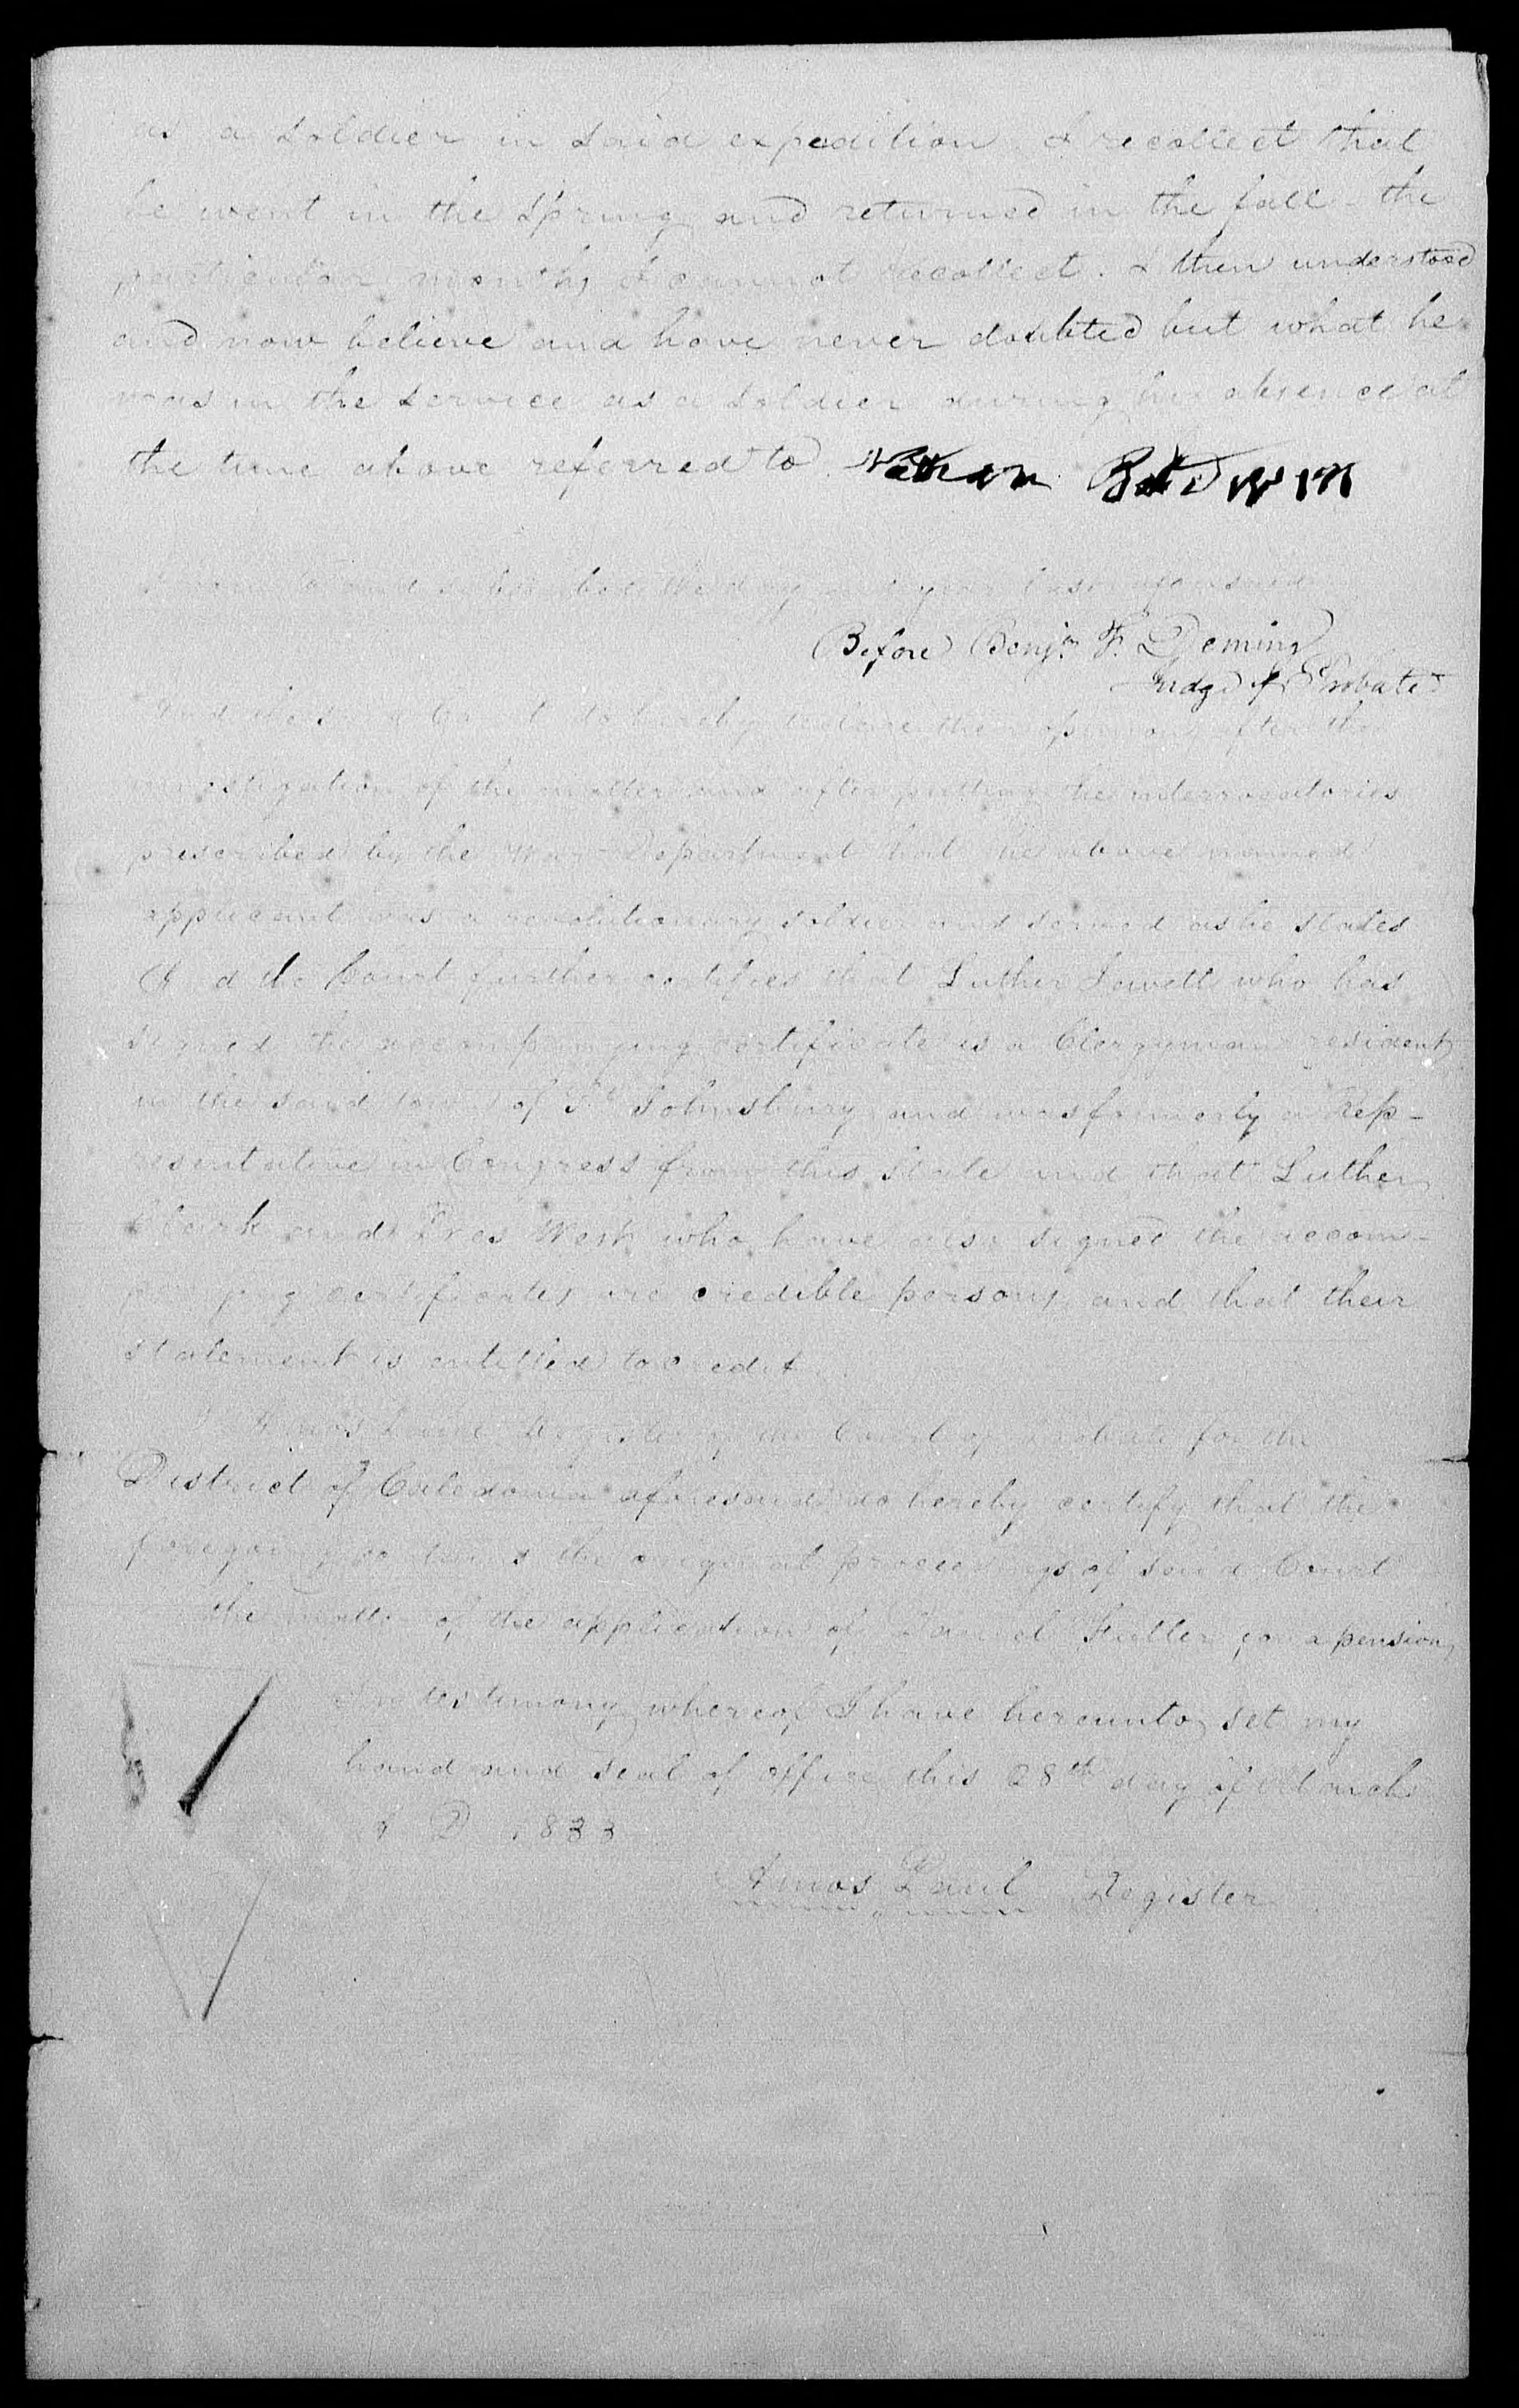[this page is very faint but I'll try!]

as a Soldier in said expedition I recollect that he went in the spring and returned in the fall- the particular month I cannot recollect. I then understood and now believe and have never doubted  but that he served as a soldier during his {illegible] the true above referred to 
Nathan Baldwin (signed)

[entire next line is too faint to read]
Before Benj.mn F. Deming
Judge of Probate

[next few lines too faint to read]
...regarding the matter *** after putting the _____daries prescribed by the War Department that the above named applicant was a soldier and served as he stated **** found further ** that Luther Jewett who has ***** certified is a Clergyman resident in the said town of St Johnsbury in was formerly a representative in Congress from this State and that Luther Clark and Pres West who have also *********  are credible persons, and that their statement is entitled to credit

******* Court of Probate for the District of Caledonia aforesaid statement to hereby certify that the  foregoing  ****the  *** **** Court the *** of the application of Daniel Fuller for a pension in testimony whereas I have hererunto set my 
hand and seal of office this 28th day of  March A.D. 1833
Amos Paul Register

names: Nathan Baldwin, Pres West, Luther Clark, Luther Jewett, Daniel Fuller, Amos Paul, Benja F Deming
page: 9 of 29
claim: survivor's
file: S. 18830, Daniel Fuller, Mass.